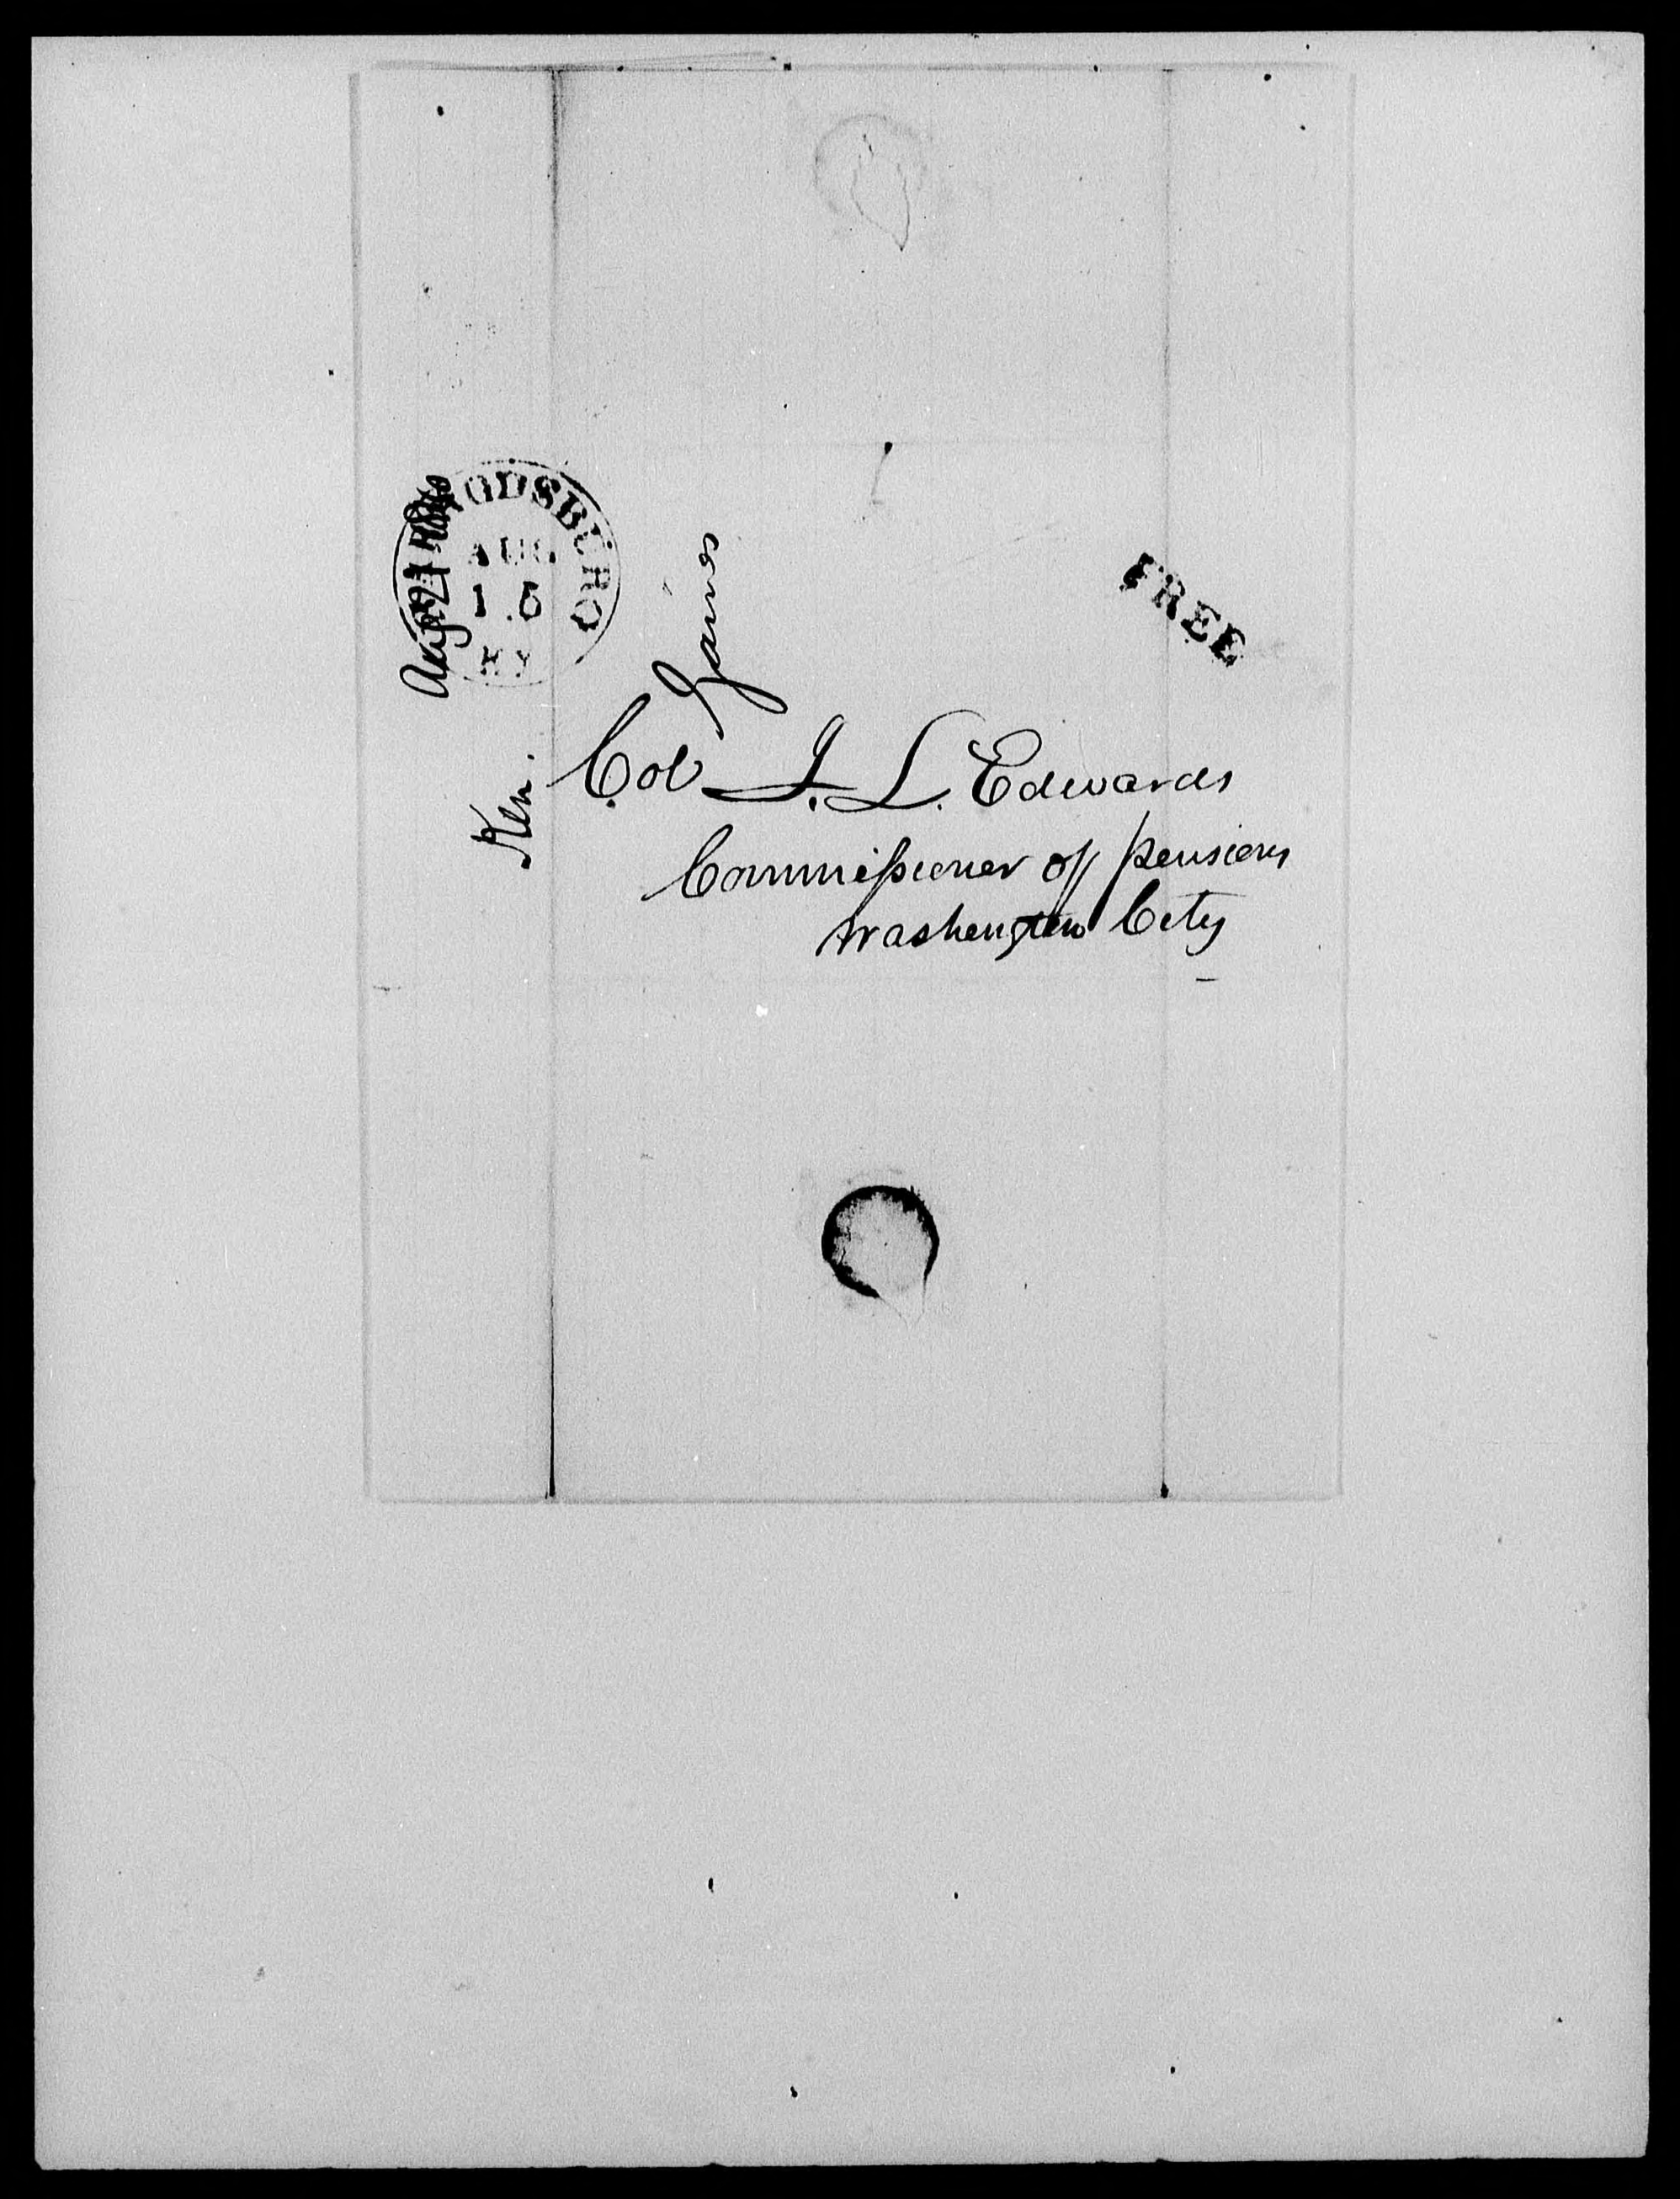FREE
Aug 2 1840
Ken.
James
Col J. L. Edwards
Commissioner of Pensions
Washington City

[illegible]ODSBURG [Harrodsburg]
AUG
15
KY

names: J L Edwards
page: 63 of 79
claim: rejected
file: R. 3863, Robert Gaines, Va.